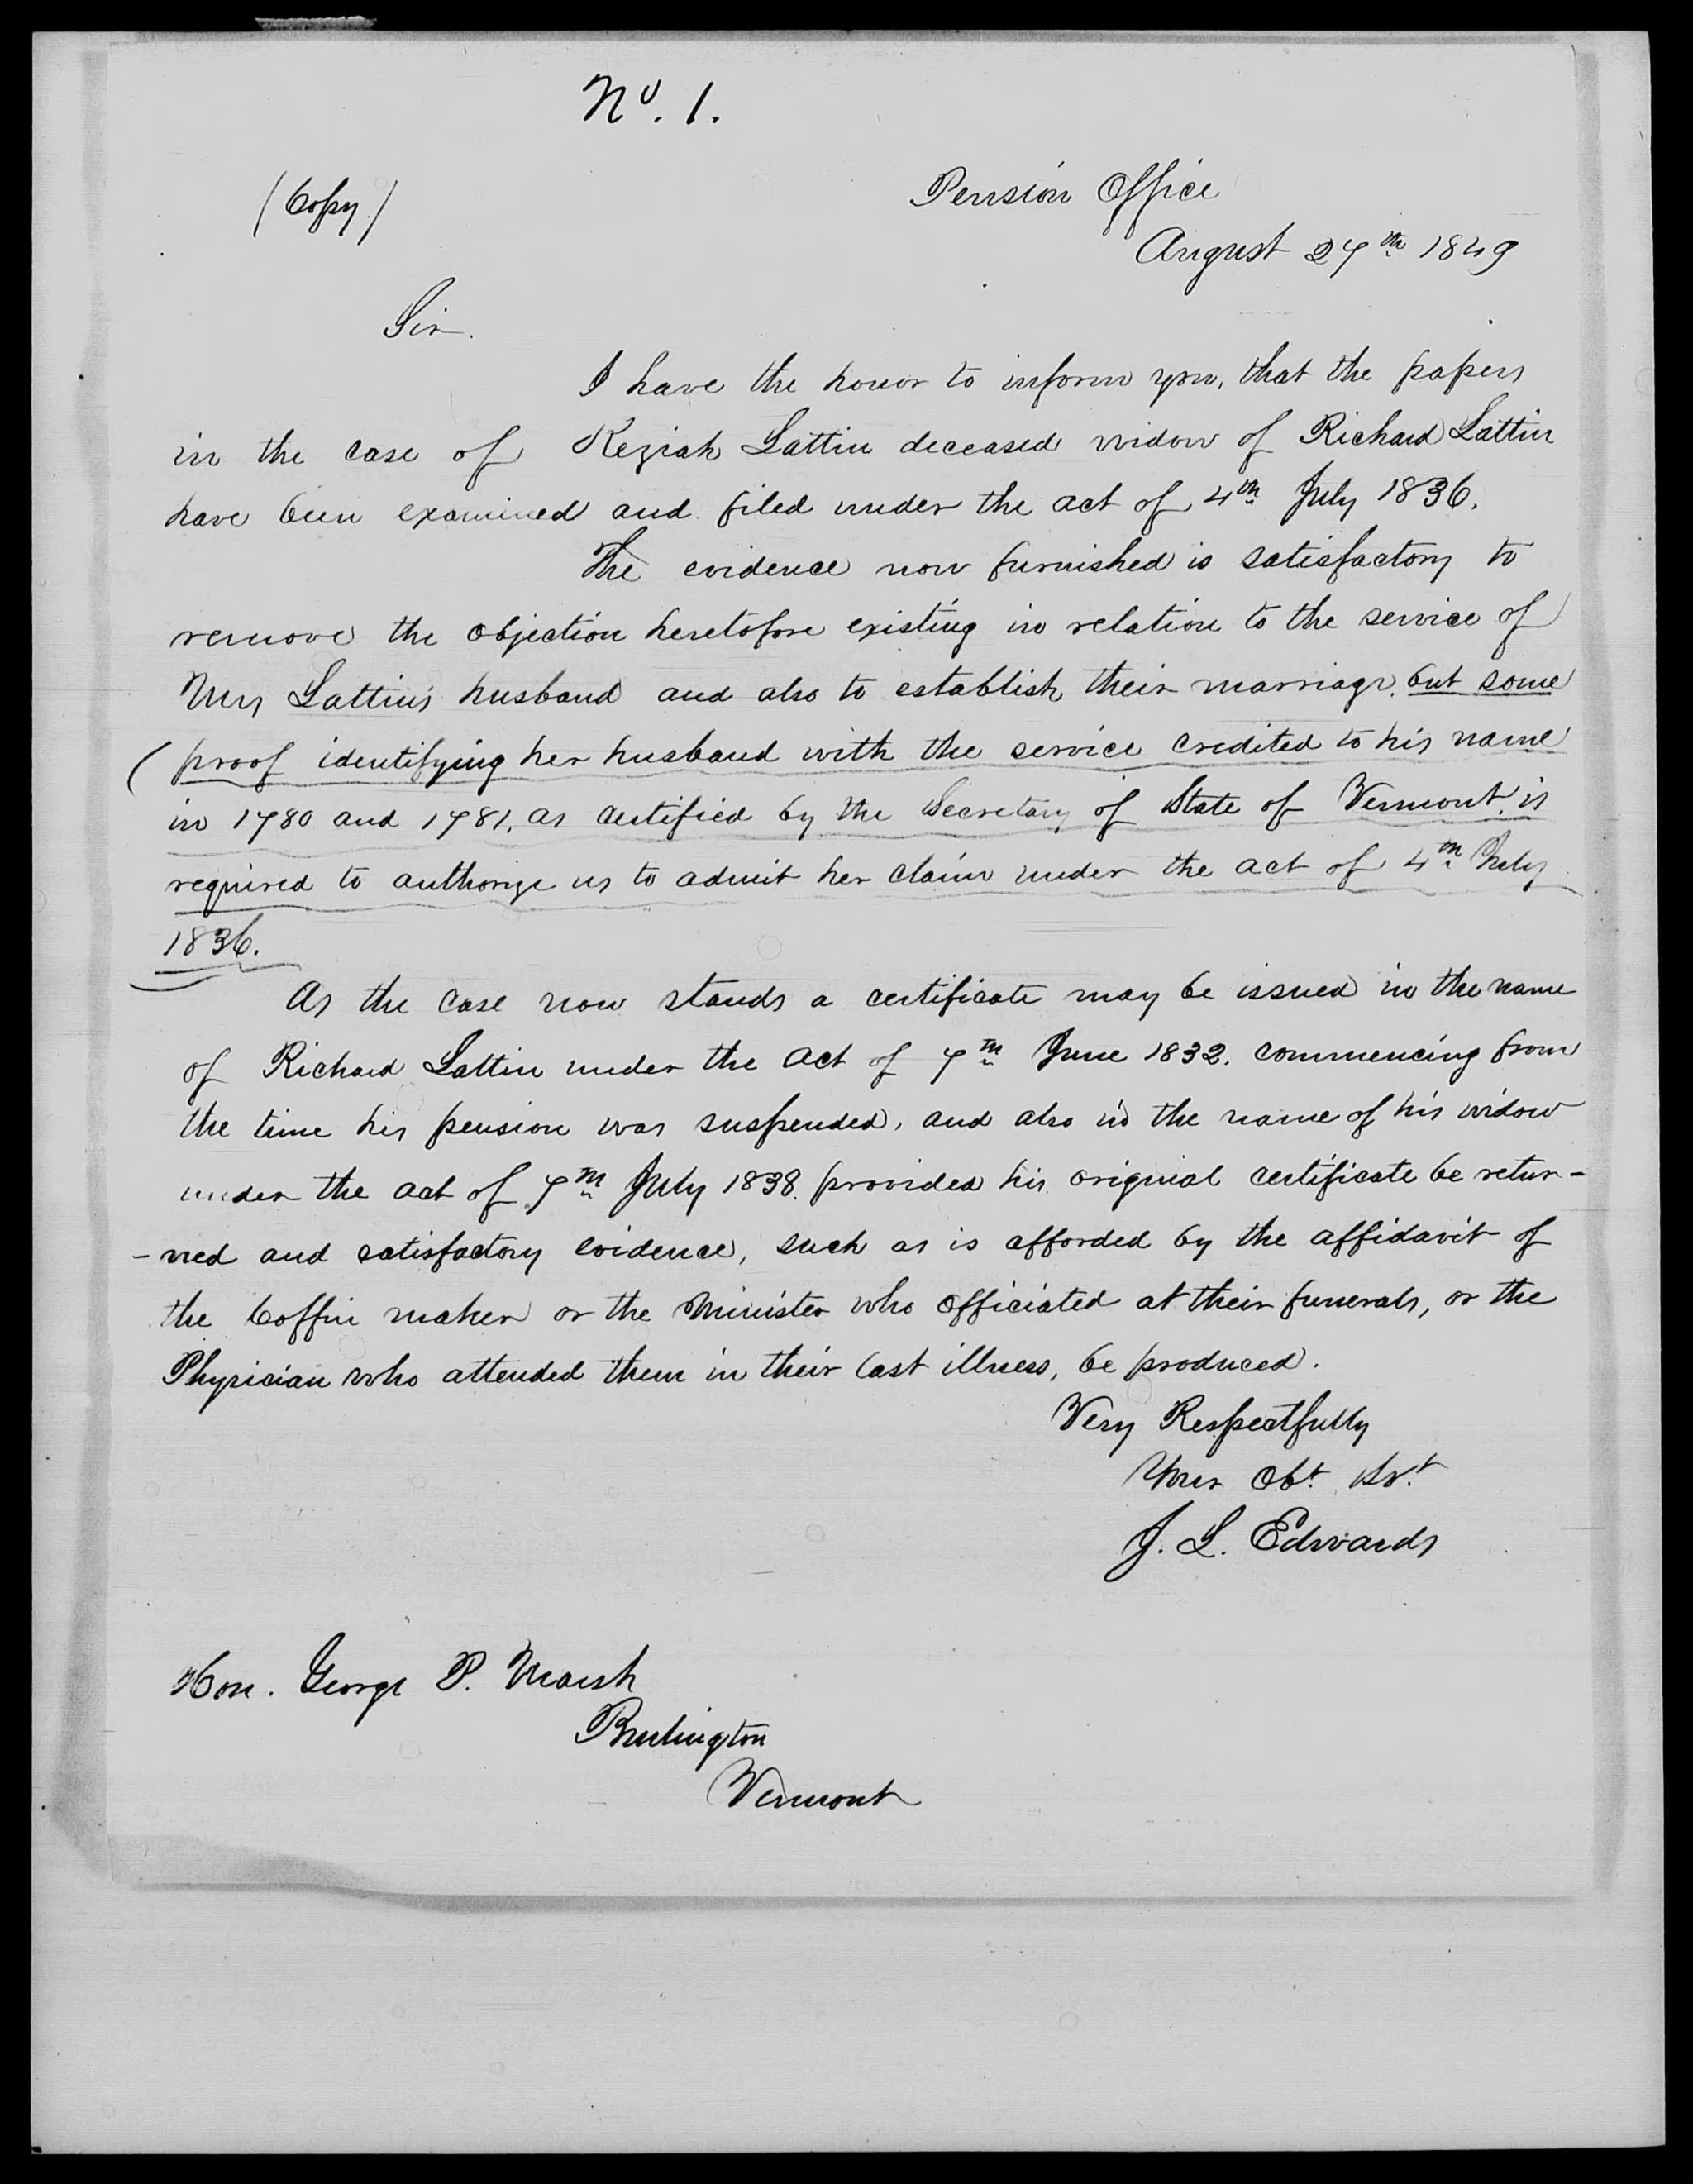No. 1
(Copy)

Pension Office
August 24th 1849
Sir
I have the honor to inform you, that the papers
in the case of Keziah Lattin, deceased widow of Richard Lattin
have been examined and filed under the act of 4th July 1836.
The evidence now furnished is satisfactory to
remove the objection heretofore existing in relation to the service of Mrs. Lattin's husband and also to establish their marriage, but some proof identifying her husband with the service credited to his name in 1780 and 1781, as certified by the Secretary of State of Vermont is required to authorize us to admit her claim under the act of 4th July 1836.
As the case now stands a certificate may be issued in the name of
Richard Lattin under the act of 7th June 1832, commencing from
the time his pension was suspended, and also in the name of his widow
under the act of 7th July 1838, provided his original certificate be returned and satisfactory evidence, such as is afforded by the affidavit of
the coffin maker, or the Minister who officiated at their funerals, or the
Physician who attended them in their last illness, be produced.
Very Respectfully
Your Obt Srt
J. L. Edwards

Hon. George P. Marsh
Burlington
Vermont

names: George P Marsh; Keziah Lattin; J L Edwards; Richard Lattin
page: 71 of 99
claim: widow's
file: W. 24,482, for Richard Lattin, Vermont